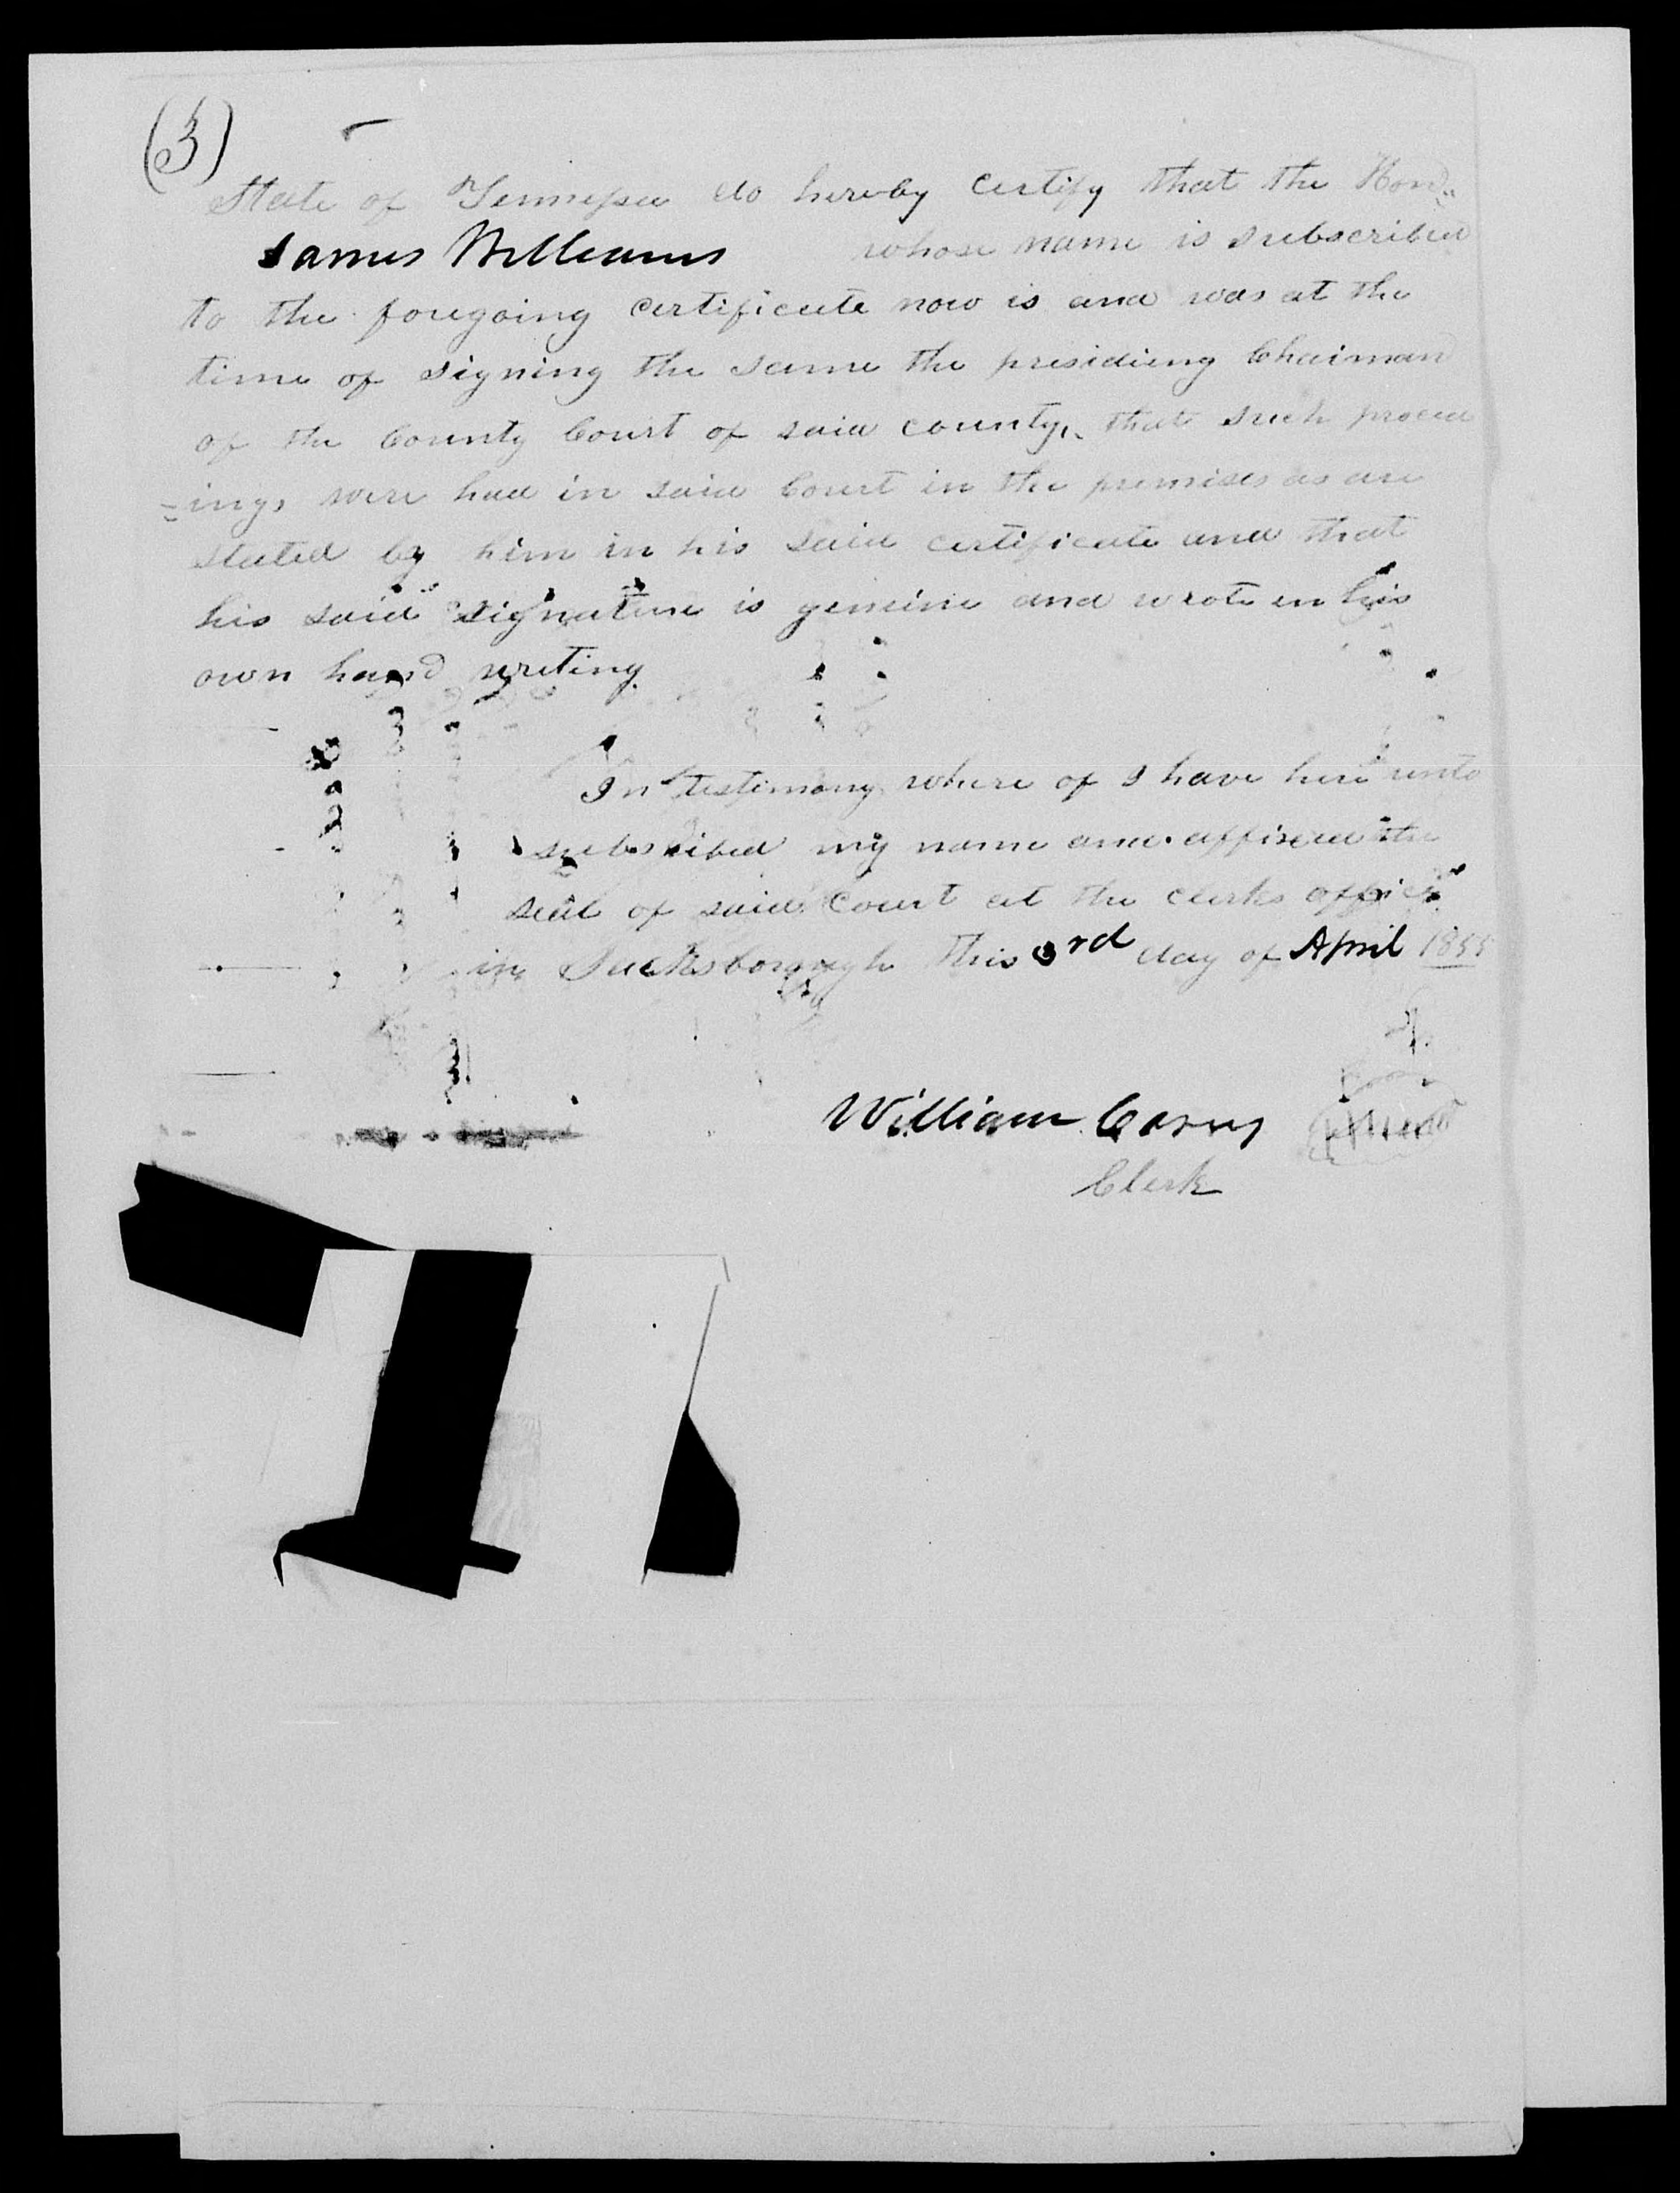(Handwritten document)

(3)

State of Tennessee do hereby certify that the Hon. James Williams whose name is subscribed to the foregoing certificate now is and was at the time of signing the same the presiding Chairman of the County Court of said County that such proceedings were had in said Court in the proceedings as are stated by him in his said certificate and that his said signature is genuine and wrote in his
own hand writing

In testimony where of I have here unto
subscribed my name and affixed the seal of said Court at the clerks office in Jacksborough this 3rd day of April 1853

William Carry (the word Seal is circled)
Clerk

(Unknown image to the left side of the document)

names: James Williams; William Carey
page: 13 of 37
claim: rejected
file: R. 6521, for Dickeson Lumpkin, Pennsylvania